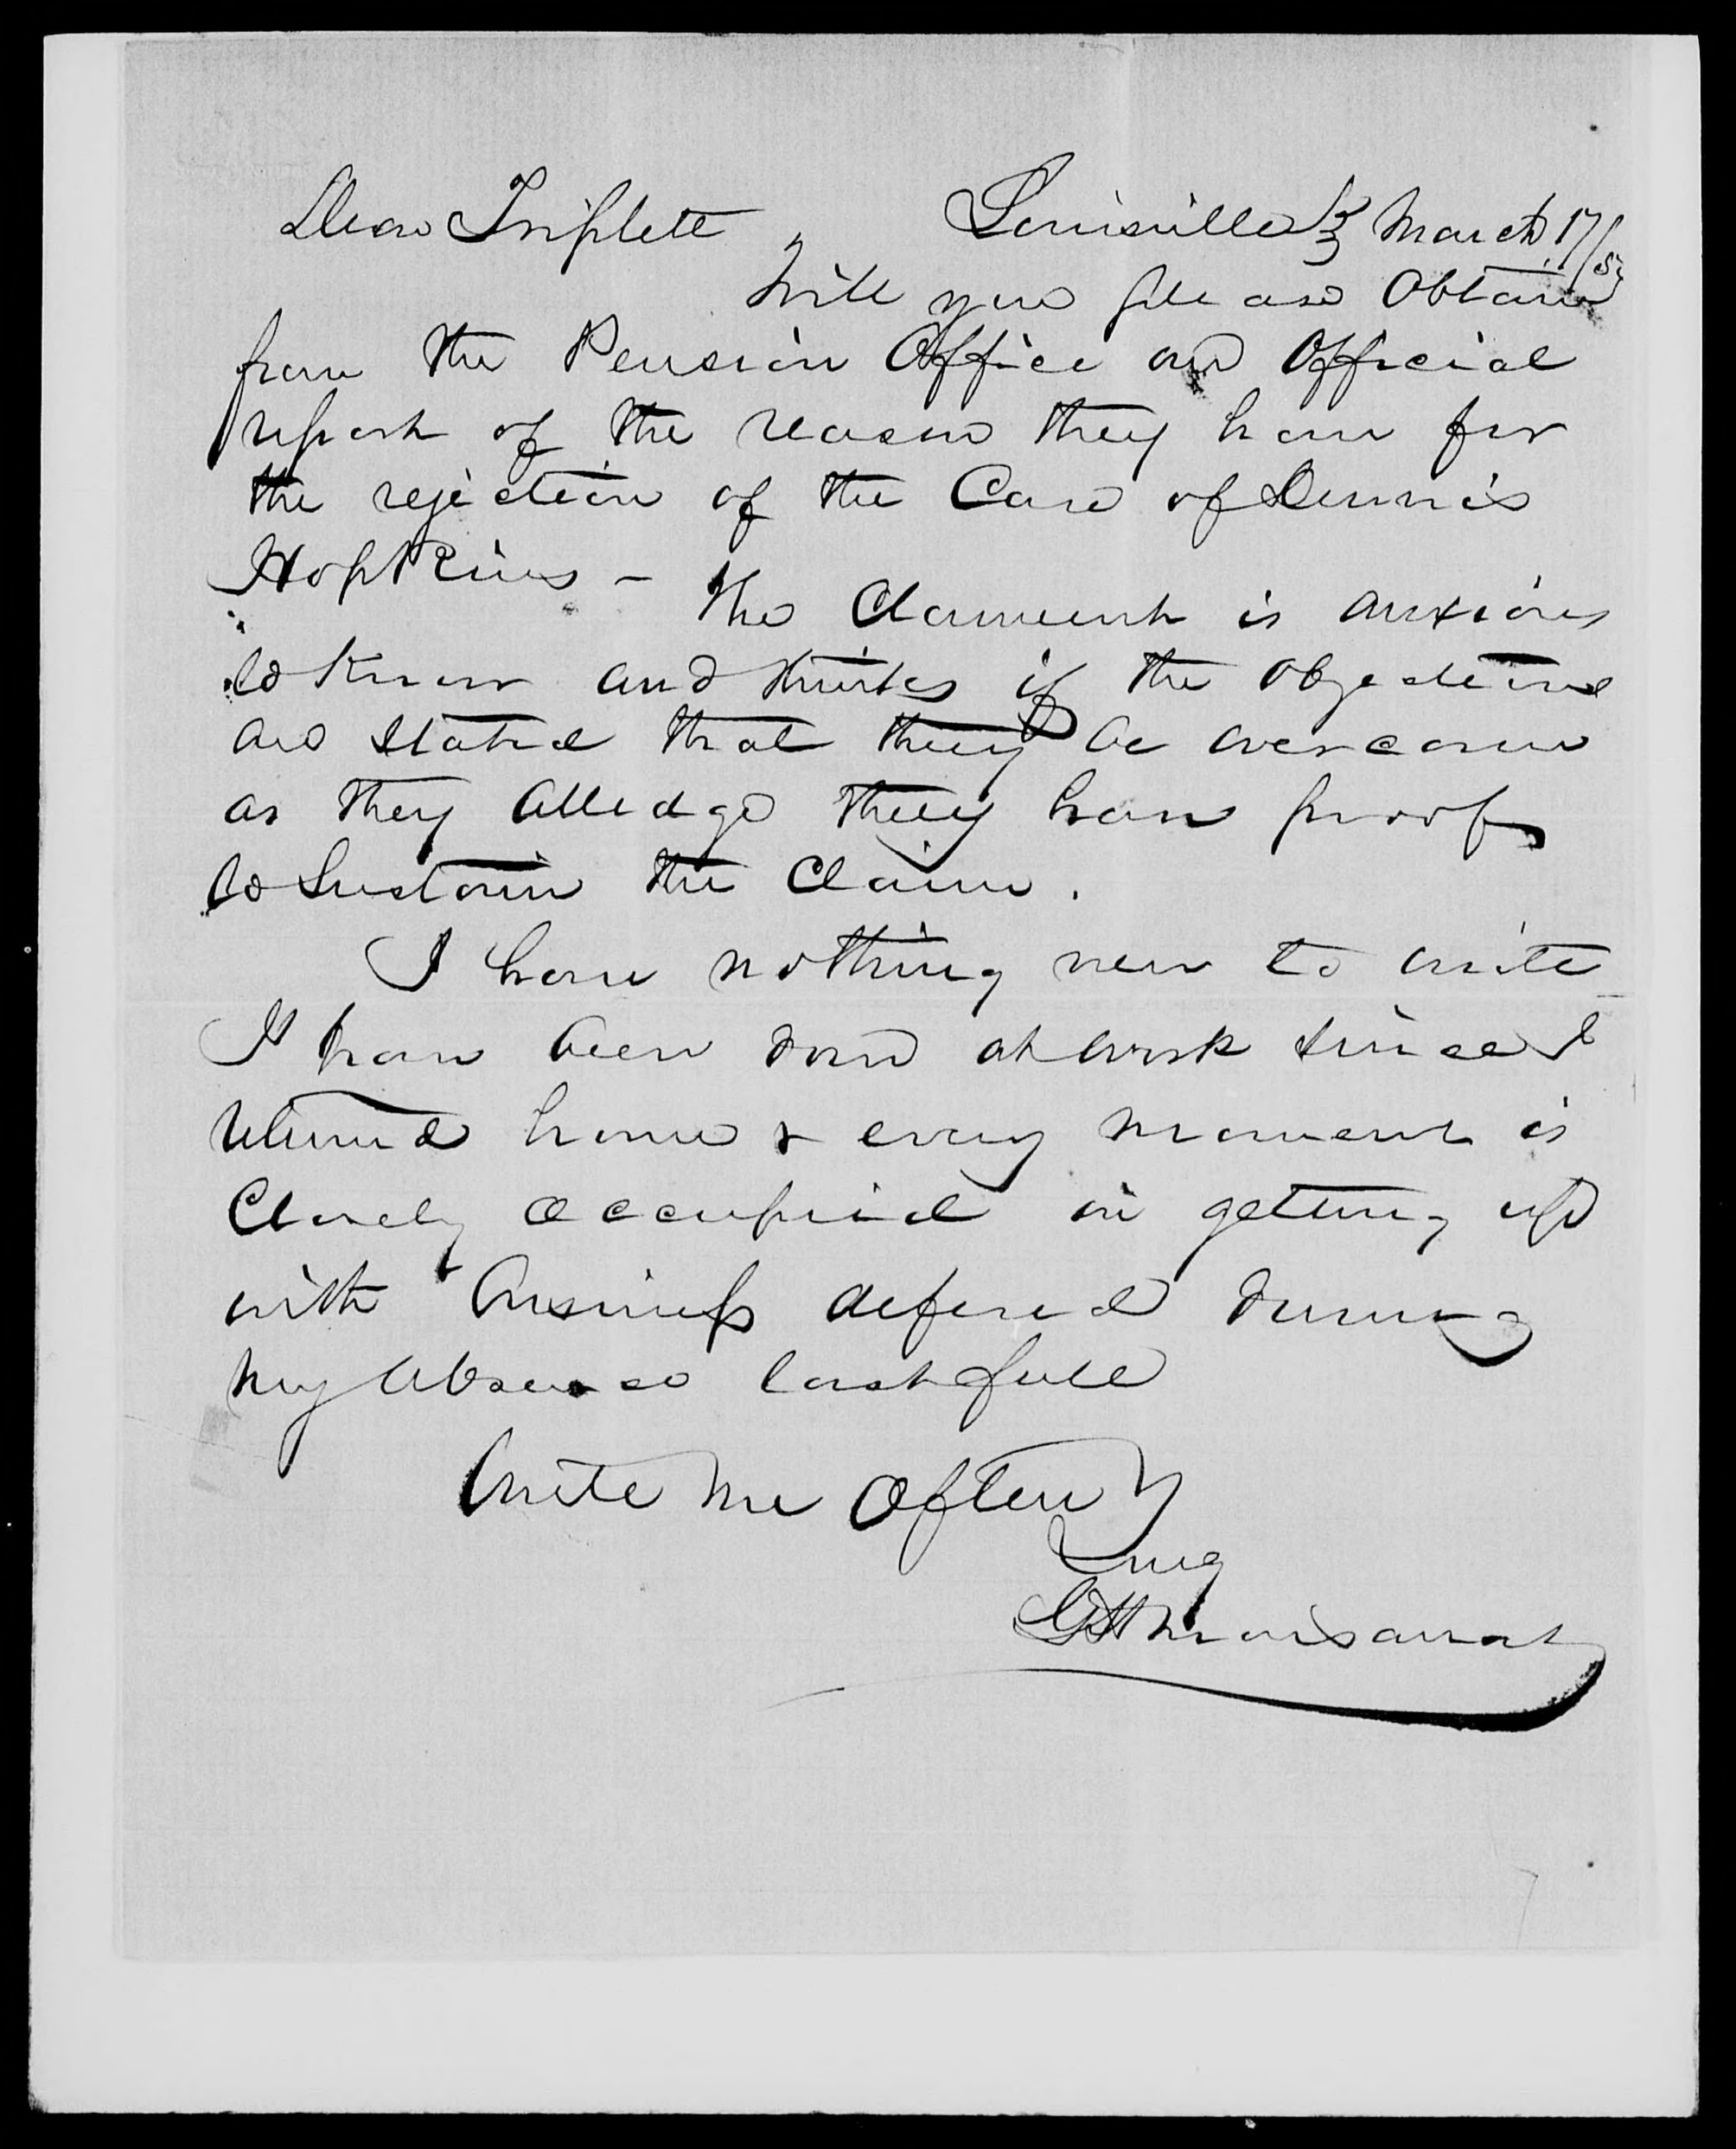Dean Triplett    Louisville March 17/54

Will you please obtain from the Pension Office and Official report of the reason they have for the rejection of the Care of Dennis Hopkins -  the claimant is anxious to know and thinks if the objectives are stated that they be overcome as they alledge they have proof to sustain the claim.

I have nothing new to write I have been down ta work since I returned home & every moment is Closely accufied in getting info with [illegible] defered during my absence last fall.
Write me after
Truly
GH Monsarrat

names: Triplett, Dennis Hopkins, G H Monsarrat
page: 29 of 144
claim: rejected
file: R. 5208, Dennis Hopkins, N.C.